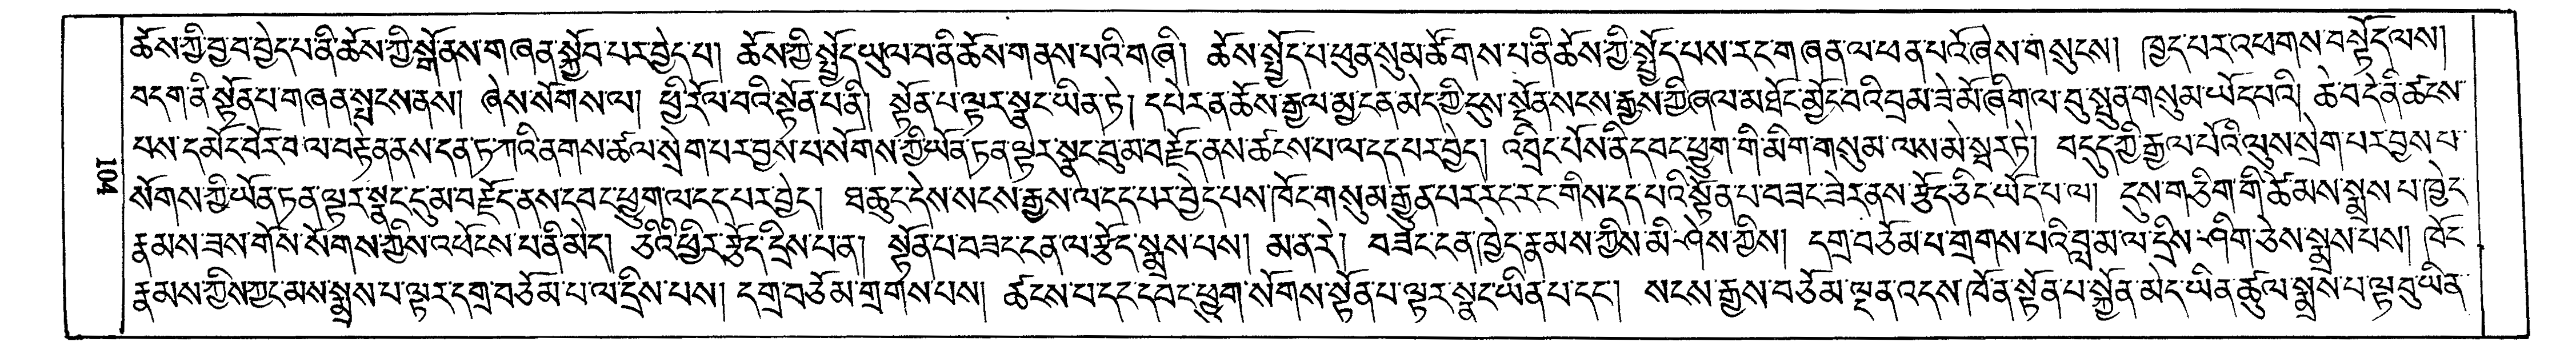ཆོས་ཀྱི་བྱ་བ་བྱེད་པ་ནི་ཆོས་ཀྱི་སྒོ་ནས་གཞན་སྐྱོབ་པར་བྱེད་པ། ཆོས་ཀྱི་སྤྱོད་ཡུལ་བ་ནི་ཆོས་གནས་པའི་གཞི། ཆོས་སྤྱོད་པ་ཕུན་སུམ་ཚོགས་པ་ནི་ཆོས་ཀྱི་སྤྱོད་པས་རང་གཞན་ལ་ཕན་པའོ་ཞེས་གསུངས། ཁྱད་པར་འཕགས་བ་སྟོང་ལས།
བདག་ནི་སྟོན་པ་གཞན་སྤངས་ནས། ཞེས་སོགས་ལ། ཕྱི་རོལ་པའི་སྟོན་པ་ནི། སྟོན་པ་ལྟར་སྣང་ཡིན་ཏེ། དཔེར་ན་ཆོས་རྒྱལ་མྱ་ངན་མེད་ཀྱི་དུས་སྔོན་སངས་རྒྱས་ཀྱི་ཞལ་མཐོང་མྱོང་བའི་བྲམ་ཟེ་མོ་ཞིག་ལ་བུ་སྤུན་གསུམ་ཡོད་པའི། ཆེ་བ་དེ་ནི་ཚངས་
པས་དམོད་བོར་བ་ལ་བརྟེན་ནས་དན་ཏ་ཀའི་ནགས་ཚལ་སྲེག་བར་བྱས་པ་སོགས་ཀྱི་ཡོན་ཏན་ལྟར་སྣང་དུ་མ་བརྗོད་ནས་ཚངས་པ་ལ་དད་པར་བྱེད། འབྲིང་པོས་ནི་དབང་ཕྱུག་གི་མིག་གསུམ་ལས་མེ་སྦར་ཏེ། བདུད་ཀྱི་རྒྱལ་པོའི་ལུས་སྲེག་པར་བྱས་པ་
སོགས་ཀྱི་ཡོན་ཏན་ལྟར་སྣང་དུ་མ་བརྗོད་ནས་དབང་ཕྱུག་ལ་དད་པར་བྱེད། ཐ་ཆུང་དེས་སངས་རྒྱས་ལ་དད་པར་བྱེད་པས་ཁོང་གསུམ་རྒྱུན་པར་རང་རང་གིས་དད་པའི་སྟོན་པ་བཟང་ཟེར་ནས་རྩོད་ཅིང་ཡོད་པ་ལ། དུས་གཅིག་གི་ཚེ་མས་སྨྲས་པ་ཁྱེད་
རྣམས་ཟས་གོས་སོགས་ཀྱིས་འཕོངས་པ་ནི་མེད། ཅིའི་ཕྱིར་རྩོད་དྲིས་པ་ན། སྟོན་པ་བཟང་ངན་ལ་རྩོད་སྨྲས་པས། མ་ན་རེ། བཟང་ངན་ཁྱེད་རྣམས་ཀྱིས་མི་ཤེས་ཀྱིས། དགྲ་བཅོམ་པ་གྲགས་པའི་བླ་མ་ལ་དྲིས་ཤིག་ཅེས་སྨྲས་པས། ཁོང་
རྣམས་ཀྱིས་ཀྱང་མས་སྨྲས་པ་ལྟར་དགྲ་བཅོམ་པ་ལ་དྲིས་པས། དགྲ་བཅོམ་གྲགས་པས། ཚངས་པ་དང་དབང་ཕྱུག་སོགས་སྟོན་པ་ལྟར་སྣང་ཡིན་པ་དང་། སངས་རྒྱས་བཅོམ་ལྡན་འདས་ཁོ་ན་སྟོན་པ་སྐྱོན་མེད་ཡིན་ཚུལ་སྨྲས་པ་ལྟ་བུ་ཡིན་